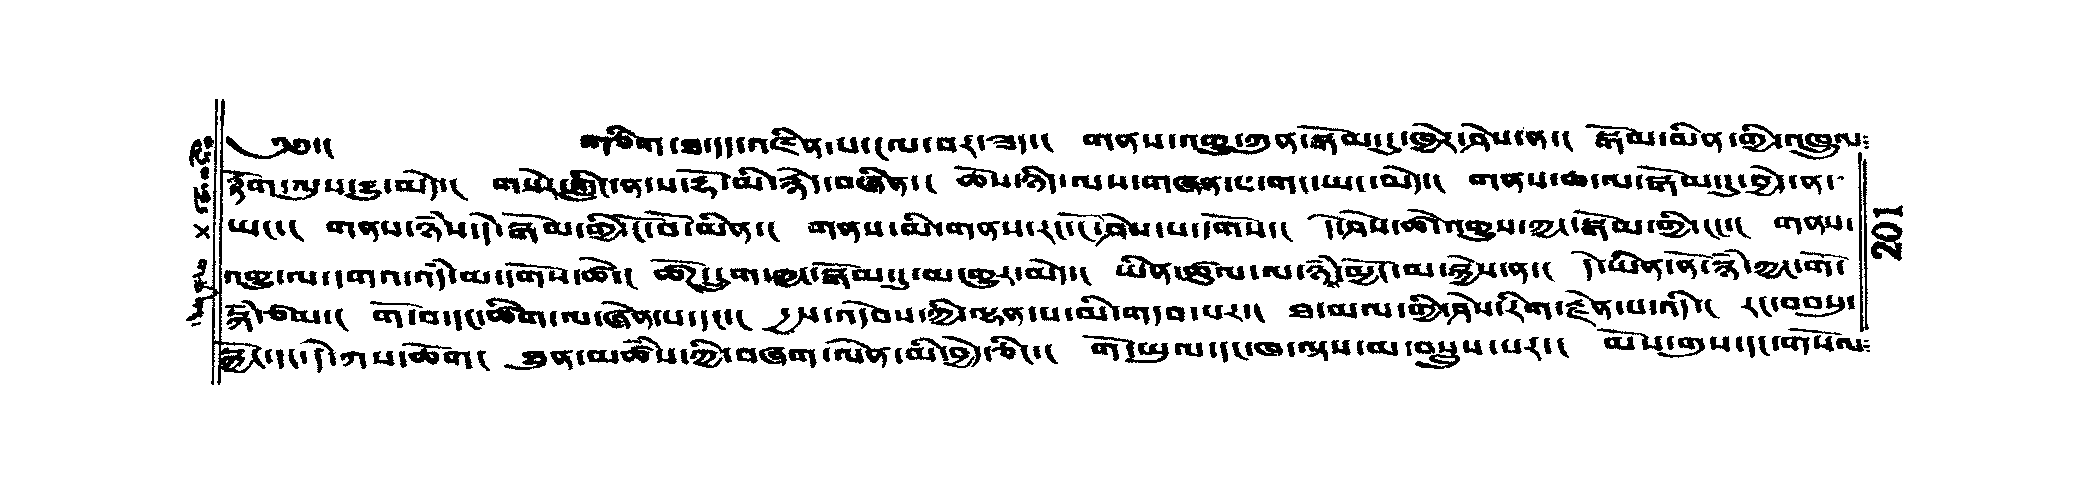།གཅིག་ཐ་དད་འཛིན་པ་ངལ་བར་ཟད། །གནས་འགྱུ་ཀུན་སྒོམ་དུ་ཁྱེར་ཤེས་ན། །སྒོམ་མིན་གྱི་འཁྲུལ་
རྟོག་ལུས་རྒྱུ་མེད། །གསེར་གླིང་ན་ས་རྡོ་མི་རྙེད་བཞིན། །ཆོས་ཉིད་ལས་གཞན་པ་གང་ཡང་མེད། །གནས་ཆ་ལ་སྒོམ་དུ་བྱེད་ན་
ཡང་། །གནས་ཉམས་དེ་སྒོམ་གྱི་ངོ་བོ་མིན། །གནས་མི་གནས་རང་ངོ་ཤེས་པ་དགོས། །དེ་ཤེས་ཚེ་འགྱུས་ཀྱང་སྒོམ་གྱི་ངང། །གནས་
འགྱུ་ལ་དགའ་འདམ་མ་དགོས་ཚེ། །ཚོགས་དྲུག་ཀྱང་སྒོམ་དུ་མ་གྱུར་མེད། །ཡིན་ཚུལ་ལ་ཉམས་མྱོང་མ་སྐྱེས་ན། །དེ་ཡིན་ནོ་སྙམ་ཀྱང་གོ་
སྐམ་ཙམ། །གོ་བ་དང་ཚིག་ལ་ཞེན་པ་དང་། །རྒྱས་འདེབས་ཀྱི་ལྷན་པ་མི་གདབ་པར། །ཐ་མལ་གྱི་ཤེས་རིག་རྗེན་པ་འདི། །རང་བབས་སུ་
སྐྱོང་དང་དེ་ཀས་ཆོག །ཐུན་མཚམས་ཀྱི་བཞག་ལེན་མི་བྱེད་ཅིང་། །གོ་ཡུལ་དང་ཁ་ལྟས་མ་བསླུས་པར། །མོས་གུས་དང་གསོལ་